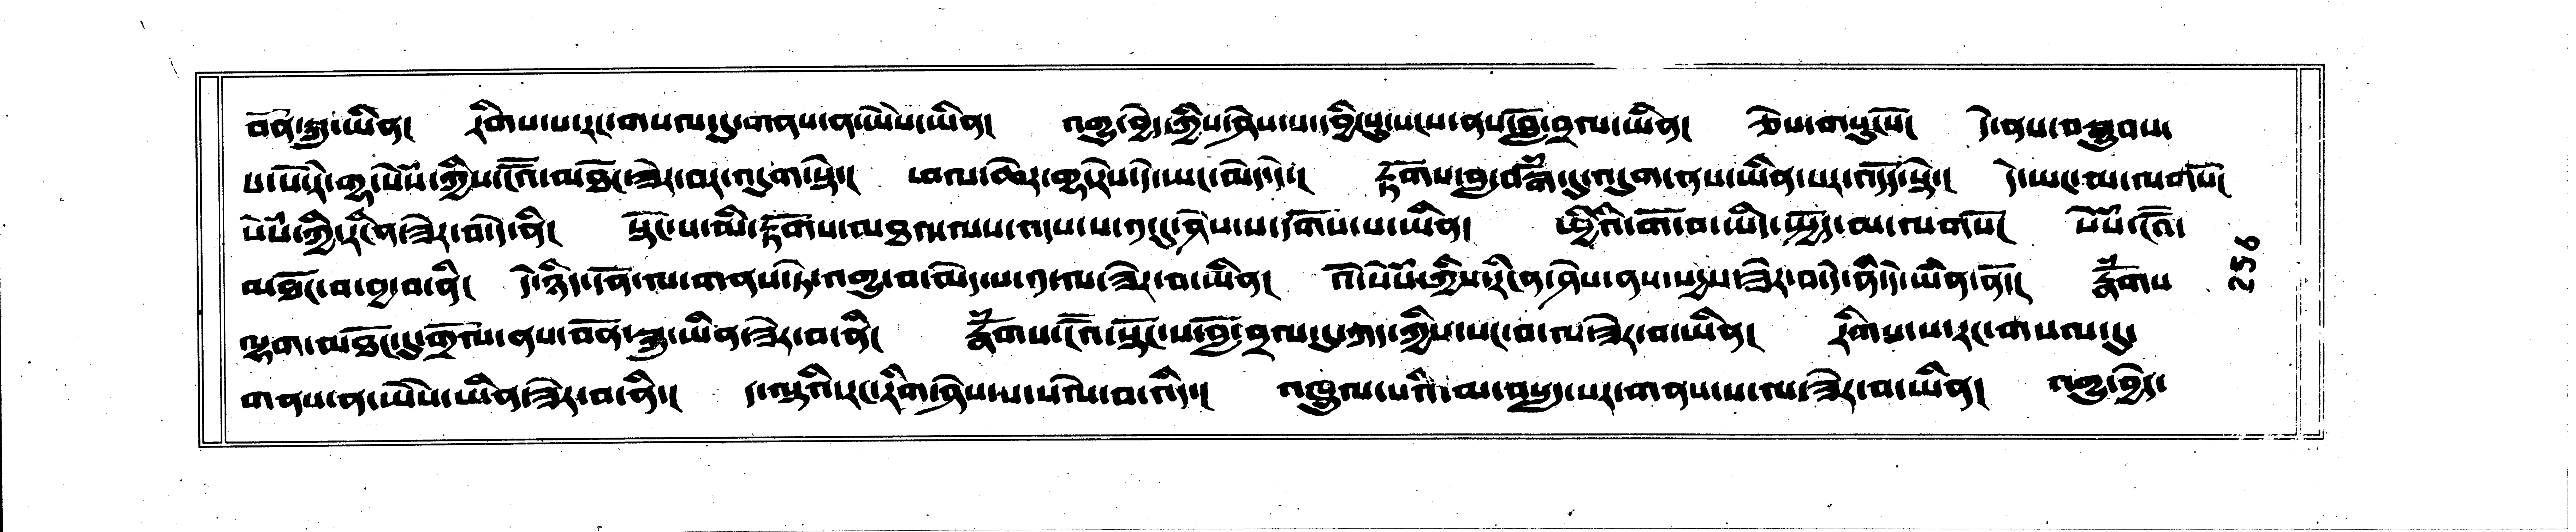བོན་སྐུ་ཡིན། རིག་པ་རང་གསལ་དུ་གནས་ན་ཡེ་ཤེས་ཡིན། འགྱུ་བྱེད་ཀྱིས་ཤེས་པ་དབྱིངས་སུ་སངས་ན་བློ་བྲལ་ཡིན། ཅེས་གསུངས། དེ་ནས་སྒྲུབས་
པ་པོ་རེས་གྷས་(འགས)སེམས་ཀྱང་ངོའོ་མཐོང་ཟེར་བར་འདུག་སྟེ། ཕལ་ཆེས་གྷ་(འགའ)རེ་ལ་དེ་ཡང་མེད་དེ། རྟོག་པ་བློ་སྒོམས་དུ་འདུག་ནས་ཡིན་པར་འདོད་སྟེ་དེ་ཡང་མ་ལགས་སོ། 
སེམས་ཀྱིས་རང་བཞིན་ཤེས་ཟེར་བ་དེ་ནི། སྟོང་ལས་མི་དམིགས་མཐའ་ལས་འདས་པ་གཅིག་དུ་ཤེས་དགོས་པ་ཡིན། ཕྱིའི་གོ་བ་ཡིད་སྤྱོད་མ་ལགས་སོ། སེམས་ཀྱིས་ངོའོ་
མཐོང་བྱ་བ་ནི། དེ་ཉིད་ཀྱིས་དོན་ལ་གནས་ཏེ། འགྱུར་བ་མེད་པ་གཅིག་ལ་ཟེར་བ་ཡིན། འོ་ན་སེམས་ཀྱིས་རང་བཞིན་ཤེས་ན་སངས་རྒྱས་ཟེར་བ་དེ་ཉིད་ཡིན་ནོ། རྣམ་རྟོག་
ལྷག་མཐོང་དུ་གྲོལ་ན་བོན་སྐུ་ཡིན་ཟེར་བ་ནི། རྣམ་རྟོག་གི་ངོའོ་སྟོང་པ་བློ་བྲལ་དུ་ཀད་ཀྱིས་སོང་བ་ལ་ཟེར་བ་ཡིན། རིག་པ་རང་གསལ་དུ་
གནས་ན་ཡེ་ཤེས་ཡིན་ཟེར་བ་ནི། ད་ལྟ་རང་རིག་ཤེས་པ་སལེ་བ་འདི་འཁྲུལ་པས་མ་བསླད་པར་གནས་པ་ལ་ཟེར་བ་ཡིན། འགྱུ་བྱེད་ཀྱིས་